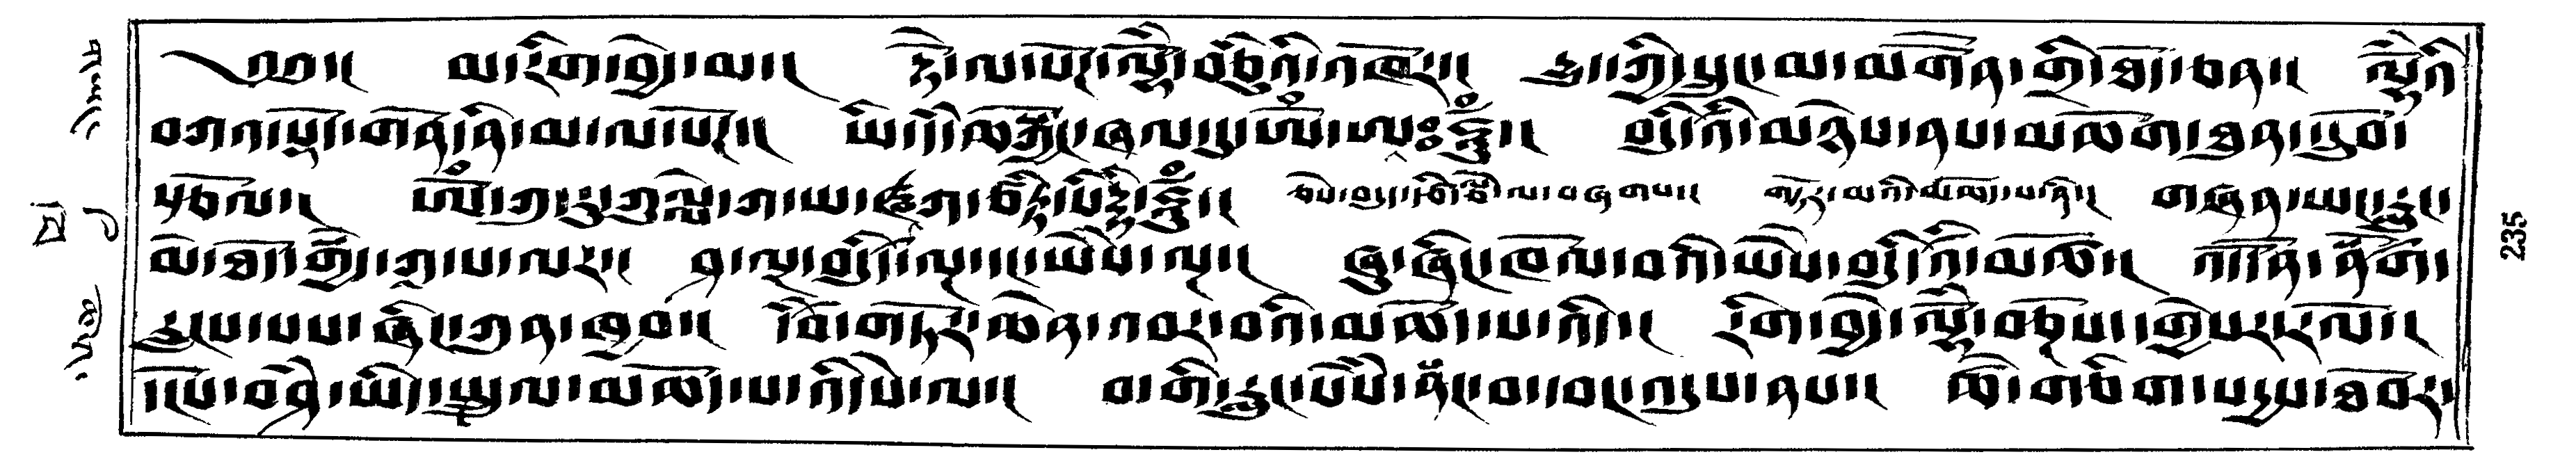མ་རིག་བྱེད་མ། །རྡོ་རྗེ་ལ་སོགས་ལྷ་མོ་བཅུ་བཞིའི་འཁོར། །རྒྱུད་ཀྱི་སྲུང་མ་མགོན་པོ་གྲི་ཐོད་ཅན། །ལྷ་མོའི་
བཀའ་སྡོད་གནོད་སྦྱིན་མ་ལ་སོགས། །ཡི་དམ་ཆོས་སྐྱོང་ཞལ་དུ་ཨོཾ་ཨཱཿཧཱུྃ། བདུད་བརྕིའི་མཉེས་ནས་མགོ་ཐུན་བོ
སྩེལ་ ཨོཾ་ཀུ་རུ་ཀུལླེ་ཀ་ཡ་ཛག་ཙཏྟི་སིདྷི་ཧུ༷་ ཅེས་བདུད་རྩི་ལྕེ་ལ་བཞག །གཏོར་མའི་མཆོད་པ་ནི། གཞན་ཡང་རླུང་
མེ་ཐོད་སྒྱེད་ཀཱ་པ་ལར། །ཤ་ལྔ་བདུད་རྩི་ལྔ་དང་ཡེ་ཤེས་ལྔ། །ཞུ་ཞིང་ཁོལ་བའི་ཡེ་ཤེས་བདུད་རྩིའི་མཚོ། །འདོད་ཡོན་སྣ་ཚོགས་
རླངས་པས་ཞིང་ཀུན་ཁྱབ། །དམ་རྫས་གཏོར་ཆེན་འབར་བའི་མཆོད་པ་འདིར། །རིག་བྱེད་ལྷ་མོ་བཅོ་ལྔས་དགྱེས་པར་རོལ། །
དངོས་བཤམ་ཡིད་སྤྲུལ་མཆོད་པ་འདི་བཞེས་ལ། །བདག་གི་རླུང་སེམས་སྣང་བ་དབང་འདུས་ནས། །ཚེ་གཅིག་སངས་རྒྱས་ཐོབ་པར་